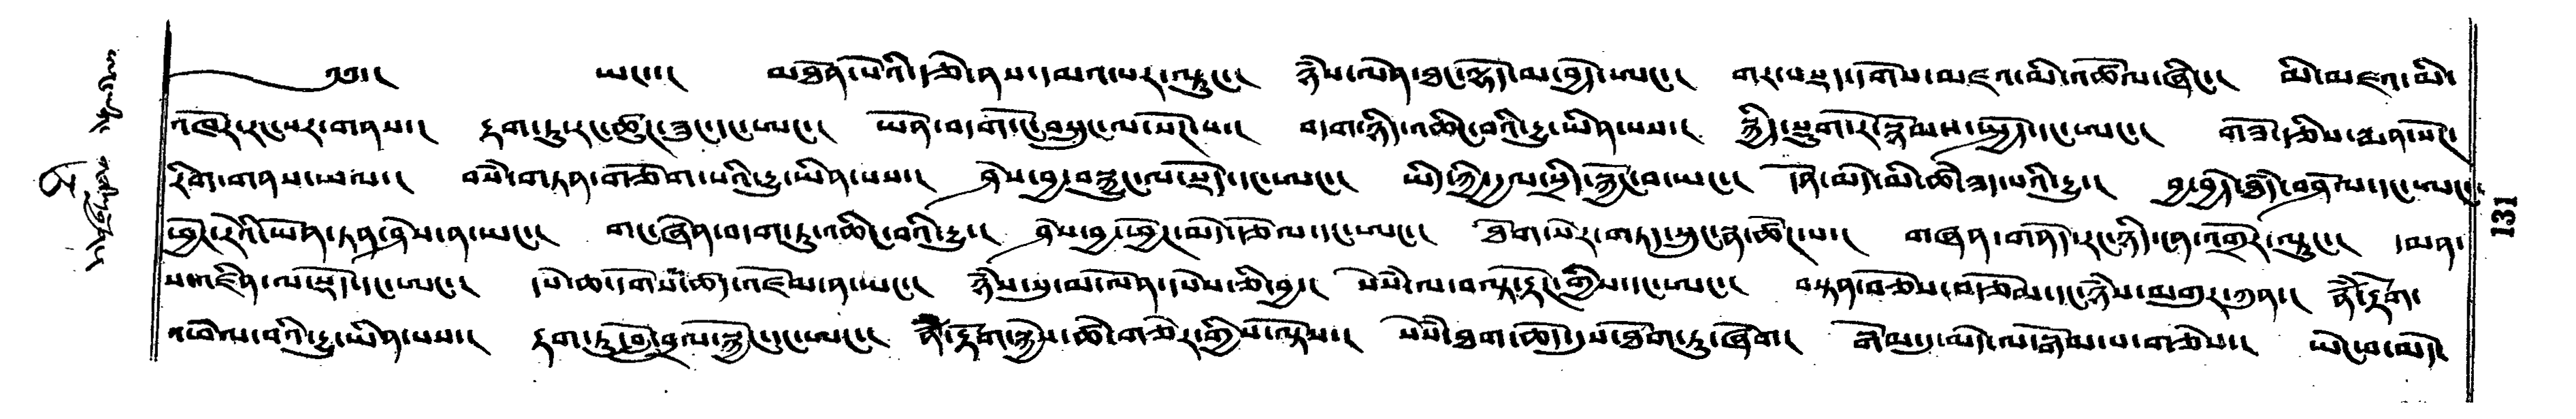ཡང་། །མཐོན་པོའི་རྩེ་ནས་དམའ་སར་ལྟུང་། །ཉམས་ལེན་ཐང་ལྷོད་མ་བྱེད་ཨང་། །གར་བསྡད་དགོས་མཛའ་མི་འཚོལ་ཞིང་། །མི་མཛའ་མི་
འཁོན་རང་སར་གནས། །རྟག་ཏུ་རང་ཚུགས་ཟུངས་དང་ཨང་། །ཡོན་བདག་ངོ་སྲུང་ལ་སོགས་པ། །བདག་ཉིད་འཆིང་བའི་རྒྱུ་ཡིན་པས། །སྐྱིད་སྡུག་རོ་སྙོམས་སྤྱོད་དང་ཨང་། །གཟོ་རྩིས་སྨན་སོགས་
རིག་གནས་ཡུལ། །བསམ་གཏན་གཅོག་པའི་རྒྱུ་ཡིན་པས། །ཤེས་བྱ་བསྐྱུངས་ལ་སྡོད་དང་ཨང་། །ཡིད་ཀྱི་རྒྱལ་སྲིད་སྐྱོང་བ་ཡང་། །དོན་མེད་མི་ཚེ་ཟད་པའི་རྒྱུ། །བྱ་བྱེད་ཐམས་ཅད་ཤོལ་དང་ཨང་། །
ཕྱོགས་རེའི་ཡོན་ཏན་ཤེས་ན་ཡང་། །གང་ཞེན་བདག་ཏུ་འཆིང་བའི་རྒྱུ། །ཤེས་བྱ་ཕྱོགས་མེད་བརྩོན་དང་ཨང་། །ཐོག་སེར་གཏད་སྲུང་སྣ་ཚོགས་པ། །གཞན་གནོད་རང་ཉིད་ངན་འགྲོར་ལྟུང་། །དམན་
ས་འཛིན་ལ་སྡོད་དང་ཨང་། །དཔེ་ཆ་དགོས་ཚད་འཛོམ་ན་ཡང་། །ཉམས་སུ་མ་ལོན་དཔེས་ཅི་བྱ། །སེམས་ལ་བལྟ་རྟོག་གྱིས་དང་ཨང་། །བསྟན་བཅོས་རྩོམ་དང་ཉམས་མགུར་ཀུན། །རྣམ་རྟོག་
འཕེལ་བའི་རྒྱུ་ཡིན་པས། །རྟག་ཏུ་བློ་བྲལ་སྐྱོངས་དང་ཨང་། །རྣམ་རྟོག་སྐྱེས་ཚེ་གཅེར་གྱིས་ལྟོས། །སེམས་ཐག་ཆོད་དུས་ཐོག་ཏུ་ཞོགསྒོམ་དུ་མེད་ལ་སྒོམ་པ་གཅེས། །ཡེངས་བ་མེད་